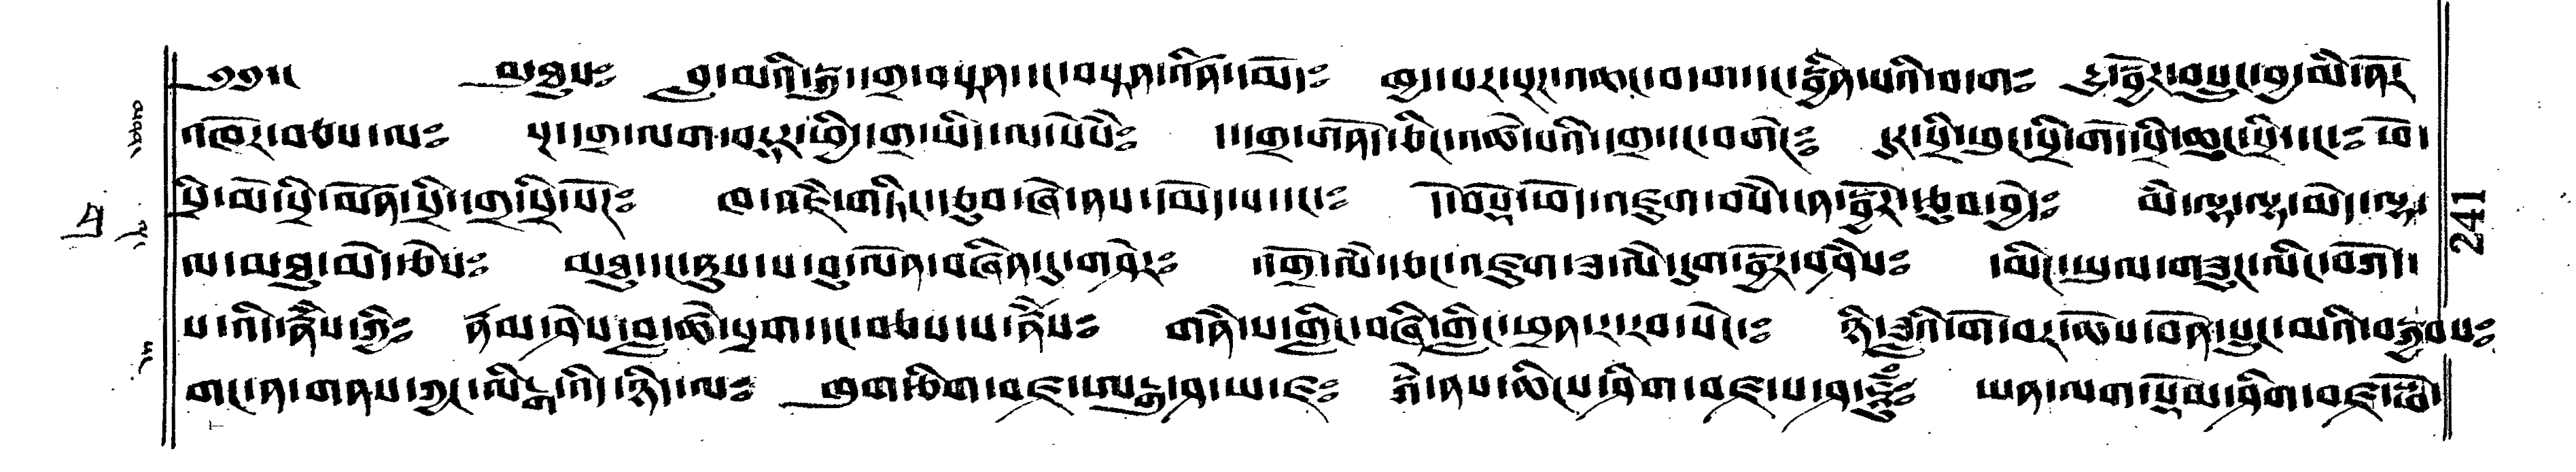མཐུསཿ བླ་མའི་སྐུ་དགྲ་བསྟན་དང་བསྟན་འཛིན་དམོདཿ ཁྱད་པར་སྔགས་འཆང་བདག་དང་སྦྱིན་པའི་བདགཿ རྒྱུ་སྦྱོར་བསྲུང་བྱ་མི་ནོར་
འཁོར་བཅས་ལཿ སྔ་དགྲ་ལག་བརྡར་ཕྱི་དགྲ་ཡིད་ལ་སེམསཿ ད་དགྲ་གནོད་ཅིང་འཚེ་བའི་དགྲ་དང་བགེགས༔ དུར་སྲི་ཕུང་སྲི་གོད་སྲི་ཆུང་སྲི་དངཿ ཕོ་
སྲི་མོ་སྲི་མཚོན་སྲི་དགྲ་སྲི་སོགསཿ ཁ་འཇམ་གཏིང་རྩུབ་ཞེ་ནས་དམོད་པ་དངཿ དོ་བསྡོ་ཕོད་འཇུག་བསམ་ངན་སྦྱོར་རྩུབ་བྱེདཿ མི་ལྷ་ལྷ་མེད་ལྷ་
ལ་མཐུ་མེད་ཅེསཿ མཐུ་དང་ནུས་པ་བུ་ལོན་བཞིན་དུ་གཤེརཿ འགྲོ་ལམ་རྩང་འཇུག་ཟ་ལམ་དུག་སྦྱོར་བཤམསཿ དམིགས་ཡུལ་གཟུགས་ལིང་བཀོད་
པ་འདི་རྣམས་ཀྱིཿ རྣམ་ཤེས་བླ་ཚེ་སྲོག་དང་བཅས་པ་རྣམསཿ གནམ་ས་གླིང་བཞི་གླིང་ཕྲན་རི་རབ་གསེངཿ ཉི་ཟླའི་གོ་བར་ཆོས་བོན་སྲུང་མའི་སྐྱབསཿ 
གང་ན་གནས་ཀྱང་ལིངྒ་འདི་ཉིད་ལཿ ཁུག་ཅིག་བཛྲ་ཨངྒུ་ཤ་ཡ་ཛཿ སྐེ་ནས་ཆིངས་ཤིག་བཛྲ་པ་ཤ་ཧཱུྃཿ ཡན་ལག་སྡོམས་ཤིག་བཛྲ་སྥོ་